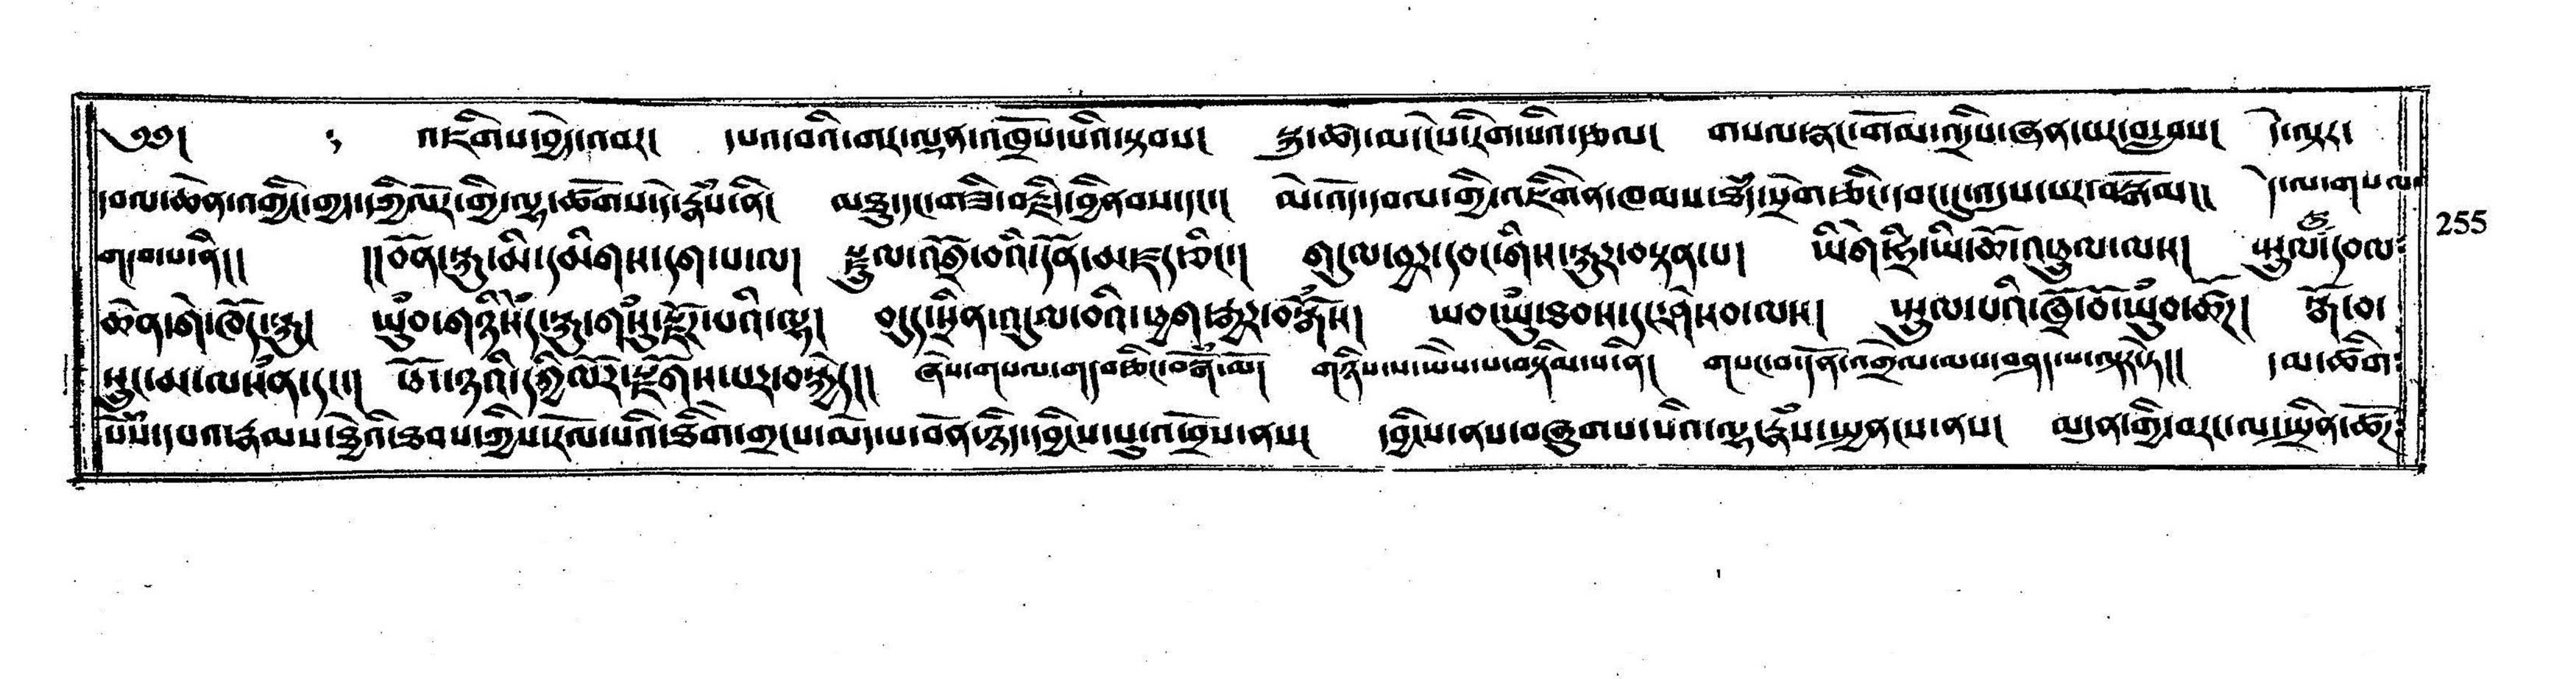འཇིགས་བྱེད་འབར། དཔའ་བའི་གར་ལྡན་འཁྲོས་པའི་སྟབས། སྐུ་ཚད་མ་ངེས་རིག་པའི་རྩལ། གསལ་སྣང་གོམ་འདྲིས་ཞན་པར་བརླབས། དེ་ལྟར་
དབལ་ཆེན་འགྱིང་གྱད་དཀྱིལ་འཁོར་གྱི་ལྷ་ཚོགས་དེ་རྣམས་ནི། མཐུ་དང་གཟི་བརྗིད་བྱིན་རླབས་དང་། མེ་འོད་དབལ་གྱི་འཇིག་རྟེན་ཁམས་ཐམས་ཅད་སྲེག་ཅིང་དབང་དུ་འདུས་པར་བསྒོམ།། དེ་ལ་གསལ་ 
གདབ་པ་ནི།། །།བོན་སྐུ་མི་དམིགས་དག་པ་ལ། རྫུ་འཕྲུལ་འགྲོ་བའི་དོན་མཛད་ཅིང་། གདུལ་བྱར་དབང་གིས་སྐུར་བསྟན་པ། ཡི་གེ་ཧྲི་ཡི་ཆོ་འཕྲུལ་ལས། སྤྲུལ་སྐུ་དབལ་
ཆེན་གེ་ཁོད་སྐུ། ཡབ་ཡུམ་གཉིས་མེད་སྐུ་གསུམ་རྫོགས་པའི་ལྷ། བདུད་སྲིན་འདུལ་བའི་ཕྱག་རྒྱར་བསྒོམས། ཡབ་ཡུམ་ཐབས་དང་ཤེས་རབ་ལས། སྤྲུལ་པའི་ཁྲོ་བོ་ཡབ་ཡུམ་ཚོགས། སྒོ་བ་
སྲུང་མ་ལས་མཁན་དང་། ཕོ་ཉའི་དཀྱིལ་འཁོར་རྫོགས་པར་བསྐྱེད།། ཞེས་གསལ་གདབ་ཅིང་བསྒོམ་མོ། གཉིས་པ་ཡེ་ཤེས་པ་བསྟིམ་པ་ནི། གསང་བ་དོན་འགྲེལ་ལས་བཤད་པ་ལྟར་ཏེ།། དམ་ཚིག་
སེམས་དཔའ་རྣམས་ཐུགས་རྗེའི་ཐབས་ཀྱིས་རོལ་པའི་ཐིག་ལེ་གྲངས་མེད་པ་བོན་ཉིད་དབྱིངས་སུ་འཕྲོས་ནས། དབྱིངས་ནས་བཞུགས་པའི་ལྷ་རྣམས་སྤྱན་དྲངས་ནས། མདུན་གྱི་བར་སྣང་ལ་སྤྲིན་ཚོགས་